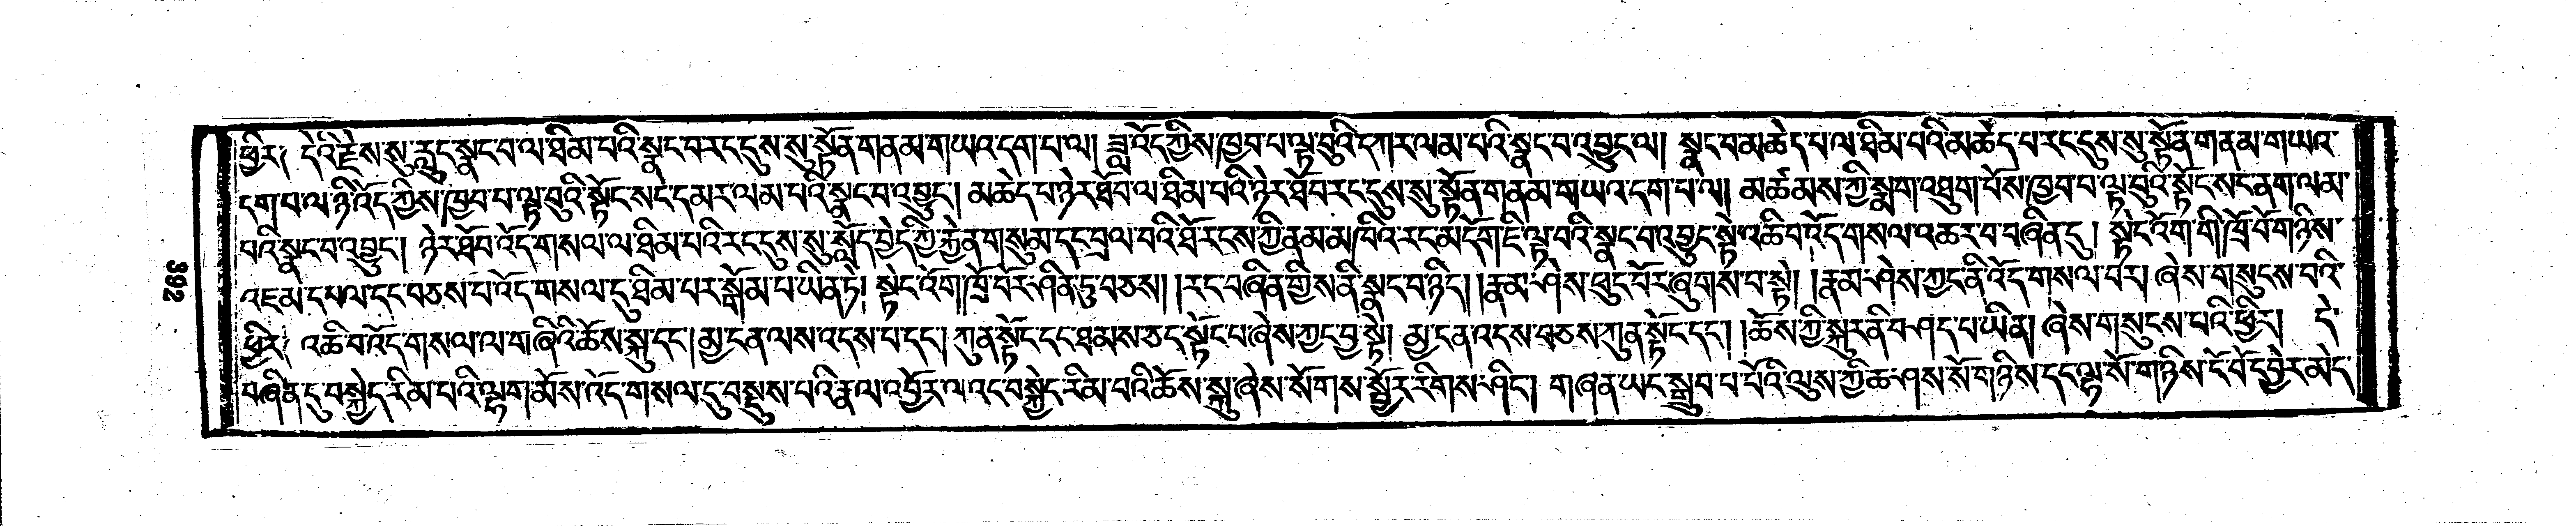ཕྱིར༑ དེའི་རྗེས་སུ་རླུང་སྣང་བ་ལ་ཐིམ་པའི་སྣང་བ་རང་དུས་སུ་སྟོན་གནམ་གཡའ་དག་པ་ལ། ཟླ་འོད་ཀྱིས་ཁྱབ་པ་ལྟ་བུའི་དཀར་ལམ་པའི་སྣང་བ་འབྱུང་ལ། སྣང་བ་མཆེད་པ་ལ་ཐིམ་པའི་མཆེད་པ་རང་དུས་སུ་སྟོན་གནམ་གཡའ་
དག་པ་ལ་ཉི་འོད་ཀྱིས་ཁྱབ་པ་ལྟ་བུའི་སྟོང་སང་དམར་ལམ་པའི་སྣང་བ་འབྱུང་། མཆེད་པ་ཉེར་ཐོབ་ལ་ཐིམ་པའི་ཉེར་ཐོབ་རང་དུས་སུ་སྟོན་གནམ་གཡའ་དག་པ་ལ། མཚམས་ཀྱི་སྨག་འཐུག་པོས་ཁྱབ་པ་ལྟ་བུའི་སྟོང་སང་ནག་ལམ་
པའི་སྣང་བ་འབྱུང་། ཉེར་ཐོབ་འོད་གསལ་ལ་ཐིམ་པའི་རང་དུས་སུ་སློད་བྱེད་ཀྱི་རྐྱེན་གསུམ་དང་བྲལ་བའི་ཐོ་རངས་ཀྱི་ནམ་མཁའི་རང་མདོག་ཇི་ལྟ་བའི་སྣང་བ་འབྱུང་སྟེ་འཆི་བ་འོད་གསལ་འཆར་བ་བཞིན་དུ། སྟེང་འོག་གི་ཁྲོ་བོ་གཉིས་
འཇམ་དཔལ་དང་བཅས་པ་འོད་གསལ་དུ་ཐིམ་པར་སྒོམ་པ་ཡིན་ཏེ། སྟེང་འོག་ཁྲོ་བོར་ཤིན་ཏུ་བཅས། །རང་བཞིན་གྱིས་ནི་སྣང་བ་ཉིད། །རྣམ་ཤེས་ཕུང་པོར་ཞུགས་པ་སྟེ། །རྣམ་ཤེས་ཀྱང་ནི་འོད་གསལ་བར། ཞེས་གསུངས་པའི་
ཕྱིར༑ འཆི་བ་འོད་གསལ་ལ་གཞིའི་ཆོས་སྐུ་དང་། མྱ་ངན་ལས་འདས་པ་དང་། ཀུན་སྟོང་དང་ཐམས་ཅད་སྟོང་བ་ཞེས་ཀྱང་བྱ་སྟེ། མྱ་ངན་འདས་བཅས་ཀུན་སྟོང་དང་། །ཆོས་ཀྱི་སྐུར་ནི་བཤད་པ་ཡིན། ཞེས་གསུངས་པའི་ཕྱིར། དེ་
བཞིན་དུ་བསྐྱེད་རིམ་པའི་ལྷག་མོས་འོད་གསལ་དུ་བསྡུས་པའི་རྣལ་འབྱོར་ལའང་བསྐྱེད་རིམ་པའི་ཆོས་སྐུ་ཞེས་སོགས་སྦྱོར་རིགས་ཤིང་། གཞན་ཡང་སྒྲུབ་པ་པོའི་ལུས་ཀྱི་ཆ་ཤས་སོ་གཉིས་དང་ལྷ་སོ་གཉིས་ངོ་བོ་དབྱེར་མེད་